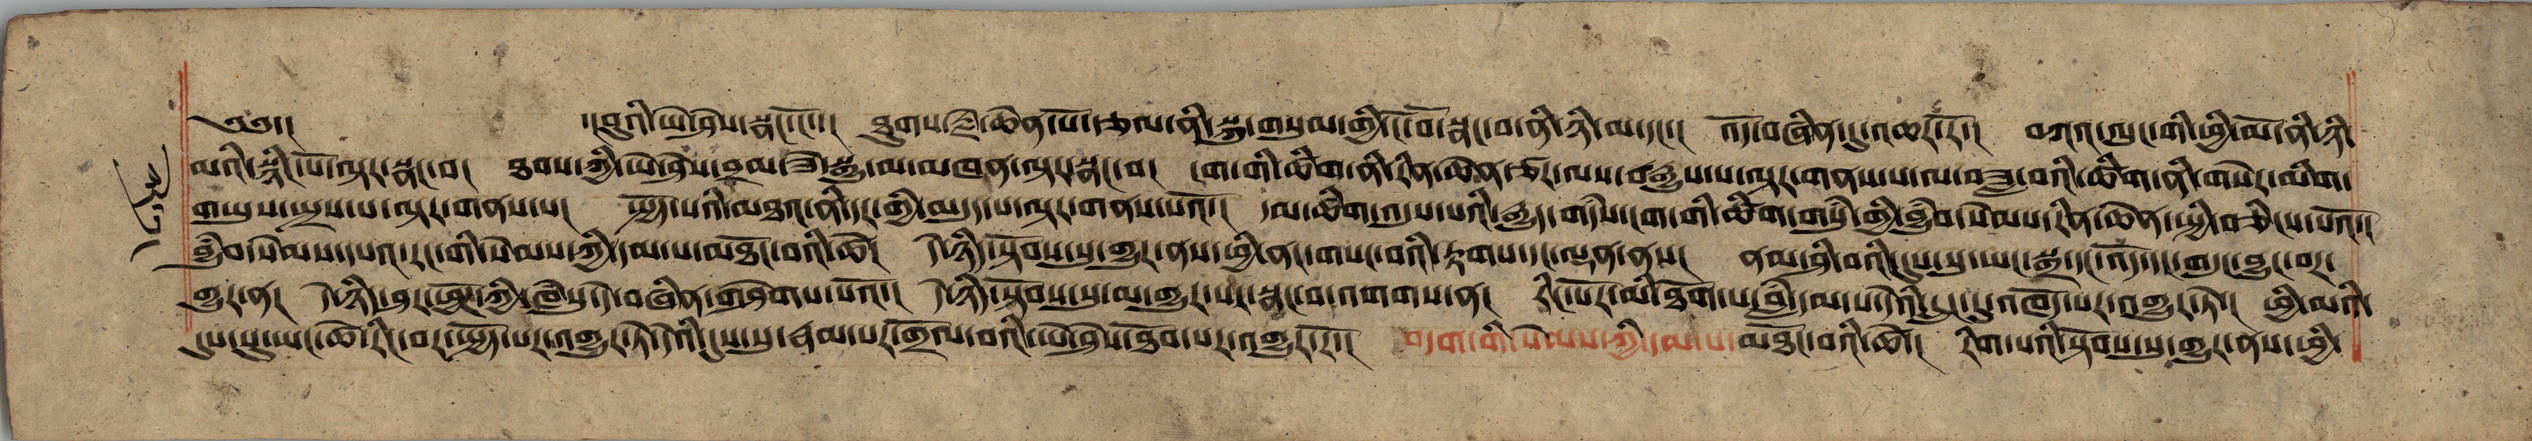༄༅་། ་།བུའི་ཡེ་ཤེས་སྣང་ངོ་་། ཐུགས་རྗེ་ཆེན་པོ་རྩལ་ནི་སྐུ་གསུམ་གྱི་ངོ་བོ་སྣང་བ་ནི་ཉི་མ་དང་། འོད་བཞིན་དུ་འཆར་རོ་། བཀའ་ལུང་གི་ཕྱི་མོ་ནི་ཉི་
མའི་སྙིང་པོ་ལྟར་སྣང་བ། ཐབས་ཀྱི་ཡེ་ཤེས་བྲམ་ཟེ་སྒྱུ་མ་མཁན་ལྟར་སྣང་བ། ངག་གི་ཚིག་ནི་རིན་ཆེན་ཙར་ལས་བརྒྱུས་པ་ལྟར་གནས་པ་ལ་བཟླ་བའི་ཚིག་ནི་གསེར་མིག་
གཡུས་སྤྲས་པ་ལྟར་གནས་པ། སྤྱོད་པའི་མཐའ་ནི་དར་གྱི་མདུད་པ་ལྟར་གནས་པའོ་། དམ་ཚིག་འདུས་པའི་རྒྱུད་གདཾས་ངག་གི་ཚིག་གསུཾ་གྱི་བྱུཾབ་སེམས་རིན་ཆེན་སྤྱི་བཅིངས་པའོ་།
བྱུཾབ་སེམས་དཔའ་རང་གི་སེམས་ཀྱི་དམ་པ་མཐོང་བའི་ཚེ། དེ་ཉིད་སྟོབས་སུ་གྱུར་ནས་ཕྱི་ནང་གསང་བའི་རྟགས་དང་ལྡན་ནས། ནམ་ཤི་བའི་དུས་སུ་ཡང་སྒྲ་དང་འོད་དང་གདུང་བྱུང་བར་
གྱུར་ན། དེ་ཉིད་ཤར་ཕྱོཌ་ཀྱི་ཁཾསུ་དེ་བཞིན་གཤེགས་པའོ་། དེ་ཉིད་སྟོབས་སུ་མ་གྱུར་པར་སྣང་བ་འགགས་ན། རིང་པོར་མི་ཐོག་པ་བླཾ་དམ་པ་དེའི་དྲུང་དུ་འཁོད་པར་འགྱུར་ཏེ་། ཕྱི་མའི་
དུས་སུ་ཡང་ཚེ་རིང་བར་སྤྱོད་པར་འགྱུར་ཏེ་དེའི་དུས་སུ་རྣམ་པར་གྲོལ་བའི་ཡེ་ཤེས་ཐོབ་པར་འགྱུར་རོ་། བདག་གི་སེམས་ཀྱི་དམ་པ་མཐོང་བའི་ཚེ་། རིག་པའི་སྟོབས་སུ་གྱུར་ནས་ཕྱི་